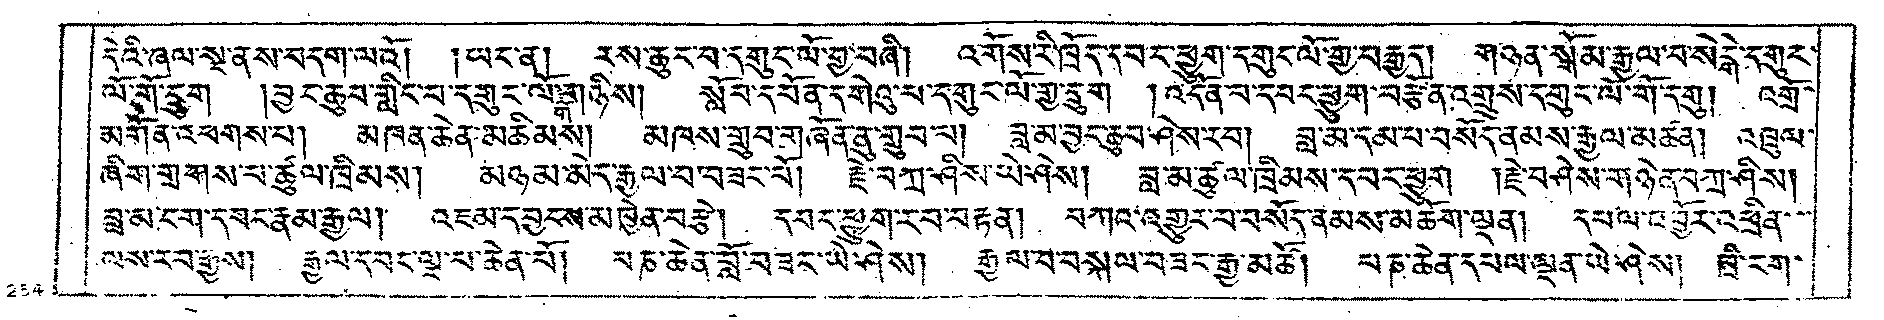དེའི་ཞལ་སྔ་ནས་བདག་ལའོ། །ཡང་ན། རས་ཆུང་བ་དགུང་ལོ་གྱ་བཞི། འགོས་རི་ཁྲོད་དབང་ཕྱུག་དགུང་ལོ་གྱ་བརྒྱད། གཉན་སྒོམ་རྒྱལ་བ་སེངྒེ་དགུང་
ལོ་གོ་དྲུག །བྱང་ཆུབ་གླིང་པ་དགུང་ལོ་གོ་གཉིས། སློབ་དཔོན་དགེའུ་པ་དགུང་ལོ་གྱ་དྲུག །འདོན་པ་དབང་ཕྱུག་བརྩོན་འགྲུས་དགུང་ལོ་གོ་དགུ། འགྲོ་
མགོན་འཕགས་པ། མཁན་ཆེན་མཆིམས། མཁས་གྲུབ་གཞོན་ནུ་གྲུབ་པ། བླ་མ་བྱང་ཆུབ་ཤེས་རབ། བླ་མ་དམ་པ་བསོད་ནམས་རྒྱལ་མཚན། འཁྲུལ་
ཞིག་གྲགས་པ་ཚུལ་ཁྲིམས། མཉམ་མེད་རྒྱལ་བ་བཟང་པོ། རྗེ་བཀྲ་ཤིས་ཡེ་ཤེས། བླ་མ་ཚུལ་ཁྲིམས་དབང་ཕྱུག །རྗེ་བཤེས་གཉེན་བཀྲ་ཤིས།
བླ་མ་ངག་དབང་རྣམ་རྒྱལ། འཇམ་དབྱངས་མཁྱེན་བརྩེ། དབང་ཕྱུག་རབ་བརྟན། བཀའ་འགྱུར་བ་བསོད་ནམས་མཆོག་ལྡན། དཔལ་འབྱོར་འཕྲིན་
ལས་རབ་རྒྱས། རྒྱལ་དབང་ལྔ་པ་ཆེན་པོ། པཎ་ཆེན་བློ་བཟང་ཡེ་ཤེས། རྒྱལ་བ་བསྐལ་བཟང་རྒྱ་མཚོ། པཎ་ཆེན་དཔལ་ལྡན་ཡེ་ཤེས། ཁྲི་ངག་